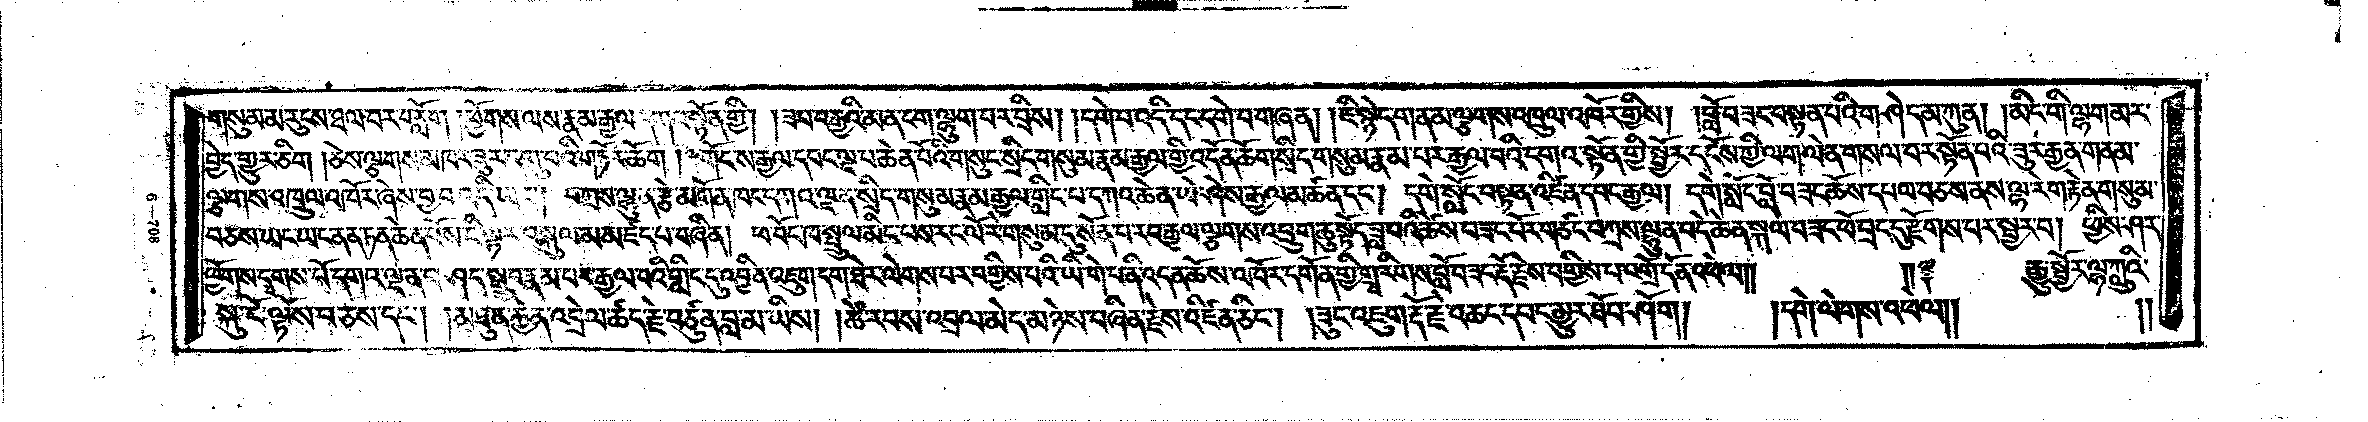གསུམ་མ་རུངས་ཐལ་བར་བརློག །ཕྱོགས་ལས་རྣམ་རྒྱལ་དགའ་སྟོན་གྱི། །ཟབ་བརྒྱའི་མན་ངག་ལྷུག་པར་བྲིས། །དགེ་བ་འདི་དང་དགེ་བ་གཞན། །ཇི་སྙེད་གནམ་ལྕགས་འཁྲུལ་འཁོར་གྱིས། །བློ་བཟང་བསྟན་པའི་གཤེད་མ་ཀུན། །མིང་གི་ལྷག་མར་
བྱེད་གྱུར་ཅིག །ཅེས་ལྕགས་མཁར་ཟུར་དགུ་པའི་གཏོར་ཆོག། །༧གོང་ས་རྒྱལ་དབང་ལྔ་པ་ཆེན་པོའི་གསུང་སྲིད་གསུམ་རྣམ་རྒྱལ་གྱི་འདོན་ཆོག་སྲིད་གསུམ་རྣམ་པར་རྒྱལ་བའི་དགའ་སྟོན་གྱིས་སྦྱོར་དངོས་ཀྱི་ལག་ལེན་གསལ་བར་སྟོན་པའི་ཟུར་རྒྱན་གནམ་
ལྕགས་འཁྲུལ་འཁོར་ཞེས་བྱ་བ་འདི་ཡང་། བཀྲས་ལྷུན་རྩེ་མགོན་ཁྲང་དགའ་ལྡན་སྲིད་གསུམ་རྣམ་རྒྱལ་གླིང་པ་དཀའ་ཆེན་ཡེ་ཤེས་རྒྱལ་མཚན་དང་། དགེ་སློང་བསྟན་འཛིན་དབང་རྒྱ། དགེ་སློང་བློ་བཟང་ཆོས་དཔལ་བཅས་ནས་ལྷ་རེ་བརྟེན་གསུམ་
བཅས་ཡང་ཡང་ནན་ཏན་ཆེན་པོས་ཇི་ལྟར་བསྐུལ་མ་མཛད་པ་བཞིན། ཕ་བོང་ཁ་སྤྲུལ་མིང་པས་རང་ལོ་རེ་གསུམ་དུ་སོན་པ་རབ་རྒྱལ་ལྕགས་འབྲུག་ཆུ་སྟོད་ཟླ་བའི་ཚེས་བཟང་པོར་གཙང་བཀྲས་ལྷུན་བདེ་ཆེན་སྐལ་བཟང་ཕོ་བྲང་དུ་རྫོགས་པར་སྦྱར་བ། ཕྱིས་ཤར་
ཕྱོགས་དྭགས་པོ་དགའ་ལྡན་བཤད་སྒྲུབ་རྣམ་པར་རྒྱལ་བའི་གླིང་དུ་འབྱིན་འཇུག་དག་ཐེག་ལེགས་པར་བགྱིས་པའི་ཡེ་ཤེས་པ་ནི་འདན་ཆོས་འཁོར་དགོན་གྱི་གྲྭ་རིགས་བློ་བཟང་རྡོ་རྗེས་བགྱིས་པ་བགྲོད་དོན་འཕེལ།། །།༈ རྒྱུ་སྦྱོར་ཁ་ཀླུའི་
སྐུ་ངོ་ལྟོས་བཅས་དང་། །མཐུན་རྐྱེན་འབྲེལ་ཚད་རྗེ་བཙུན་བླ་མ་ཡིས། །ཚེ་རབས་འབྲལ་མེད་མཉེས་བཞིན་རྗེས་འཛིན་ཅིང་། །ཟུང་འཇུག་རྡོ་རྗེ་འཆང་དབང་མྱུར་ཐོབ་ཤོག། །དགེ་ལེགས་འཕེལ།། །།